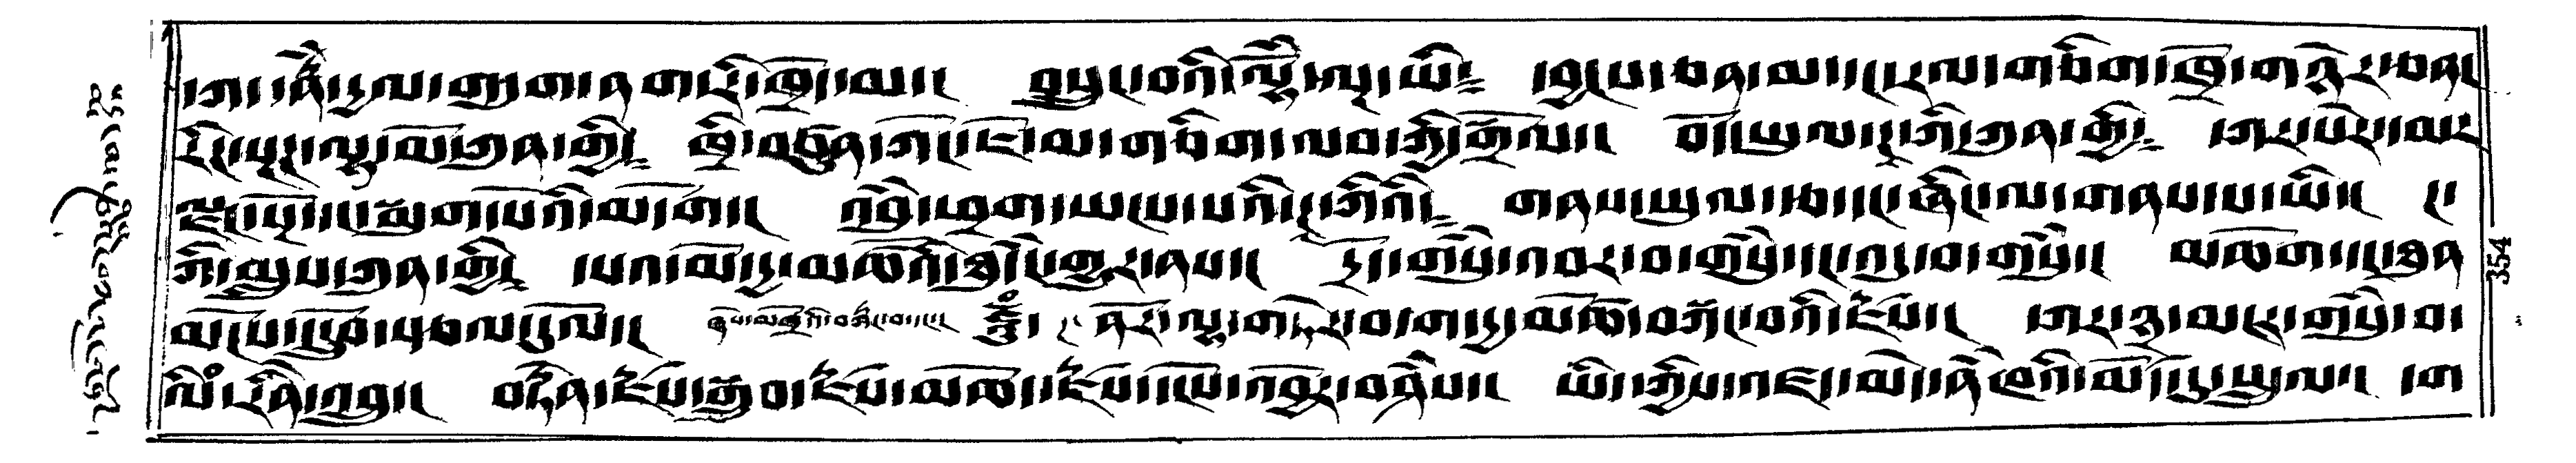དཀར་རྣམ་རྒྱལ་གདུགས་ནག་རི་ཁྲོད་མ། །བསྲུང་བའི་ལྷ་མོ་ལྔ་ཡི༴ དབྱངས་ཅན་མ་དང་རལ་གཅིག་ཁྲོ་གཉེར་ཅན། 
རིགས་སྔགས་ལྷ་མོ་ཀུན་གྱི༴ ཁྲི་བཙུན་ཀོང་ཇོ་མ་ཅིག་ལབ་ཀྱི་སྒྲོན། །བོད་ཡུལ་ཌཱ་ཀི་ཀུན་ཀྱི༴ དཀར་སེར་དམར་
ལྗང་སྔོ་དང་སྨུག་པོའི་མདོག །འབུམ་ཕྲག་ཡངས་པའི་ཌཱ་ཀིའི༴ གནས་ཡུལ་རྩ་དང་ཞིང་ལ་གནས་པ་ཡི། །ཌཱ་
ཀི་མ་ལུས་ཀུན་གྱི༴ དཔའ་མོ་རྒྱ་མཚོའི་ཐུགས་དམ་བསྐང་གྱུར་ནས། །དྲོད་གསུམ་འབར་བ་གསུམ་དང་འདུ་བ་གསུམ། །མཆོག་དང་ཐུན་
མོང་དངོས་གྲུབ་བསྩལ་དུ་གསོལ། ། ཞེས་མཁའ་འགྲོའི་བསྐང་བ་དང་། ཧཱུྃ། ནོར་ལྷ་གཏེར་བདག་རྒྱ་མཚོ་བསྐང་བའི་རྫས། །དཀར་གསུམ་མངར་གསུམ་བ་
ལིང་རིན་ཆེན་འབྲུ། །བརྟེན་རྫས་སྒྲུབ་རྫས་མཆོད་རྫས་དངོས་འབྱོར་བཤམས། །ཡིད་ཀྱིས་མཛད་མེད་ནམ་མཁའི་མཛོད་དུ་སྤྲུལ། །དག་